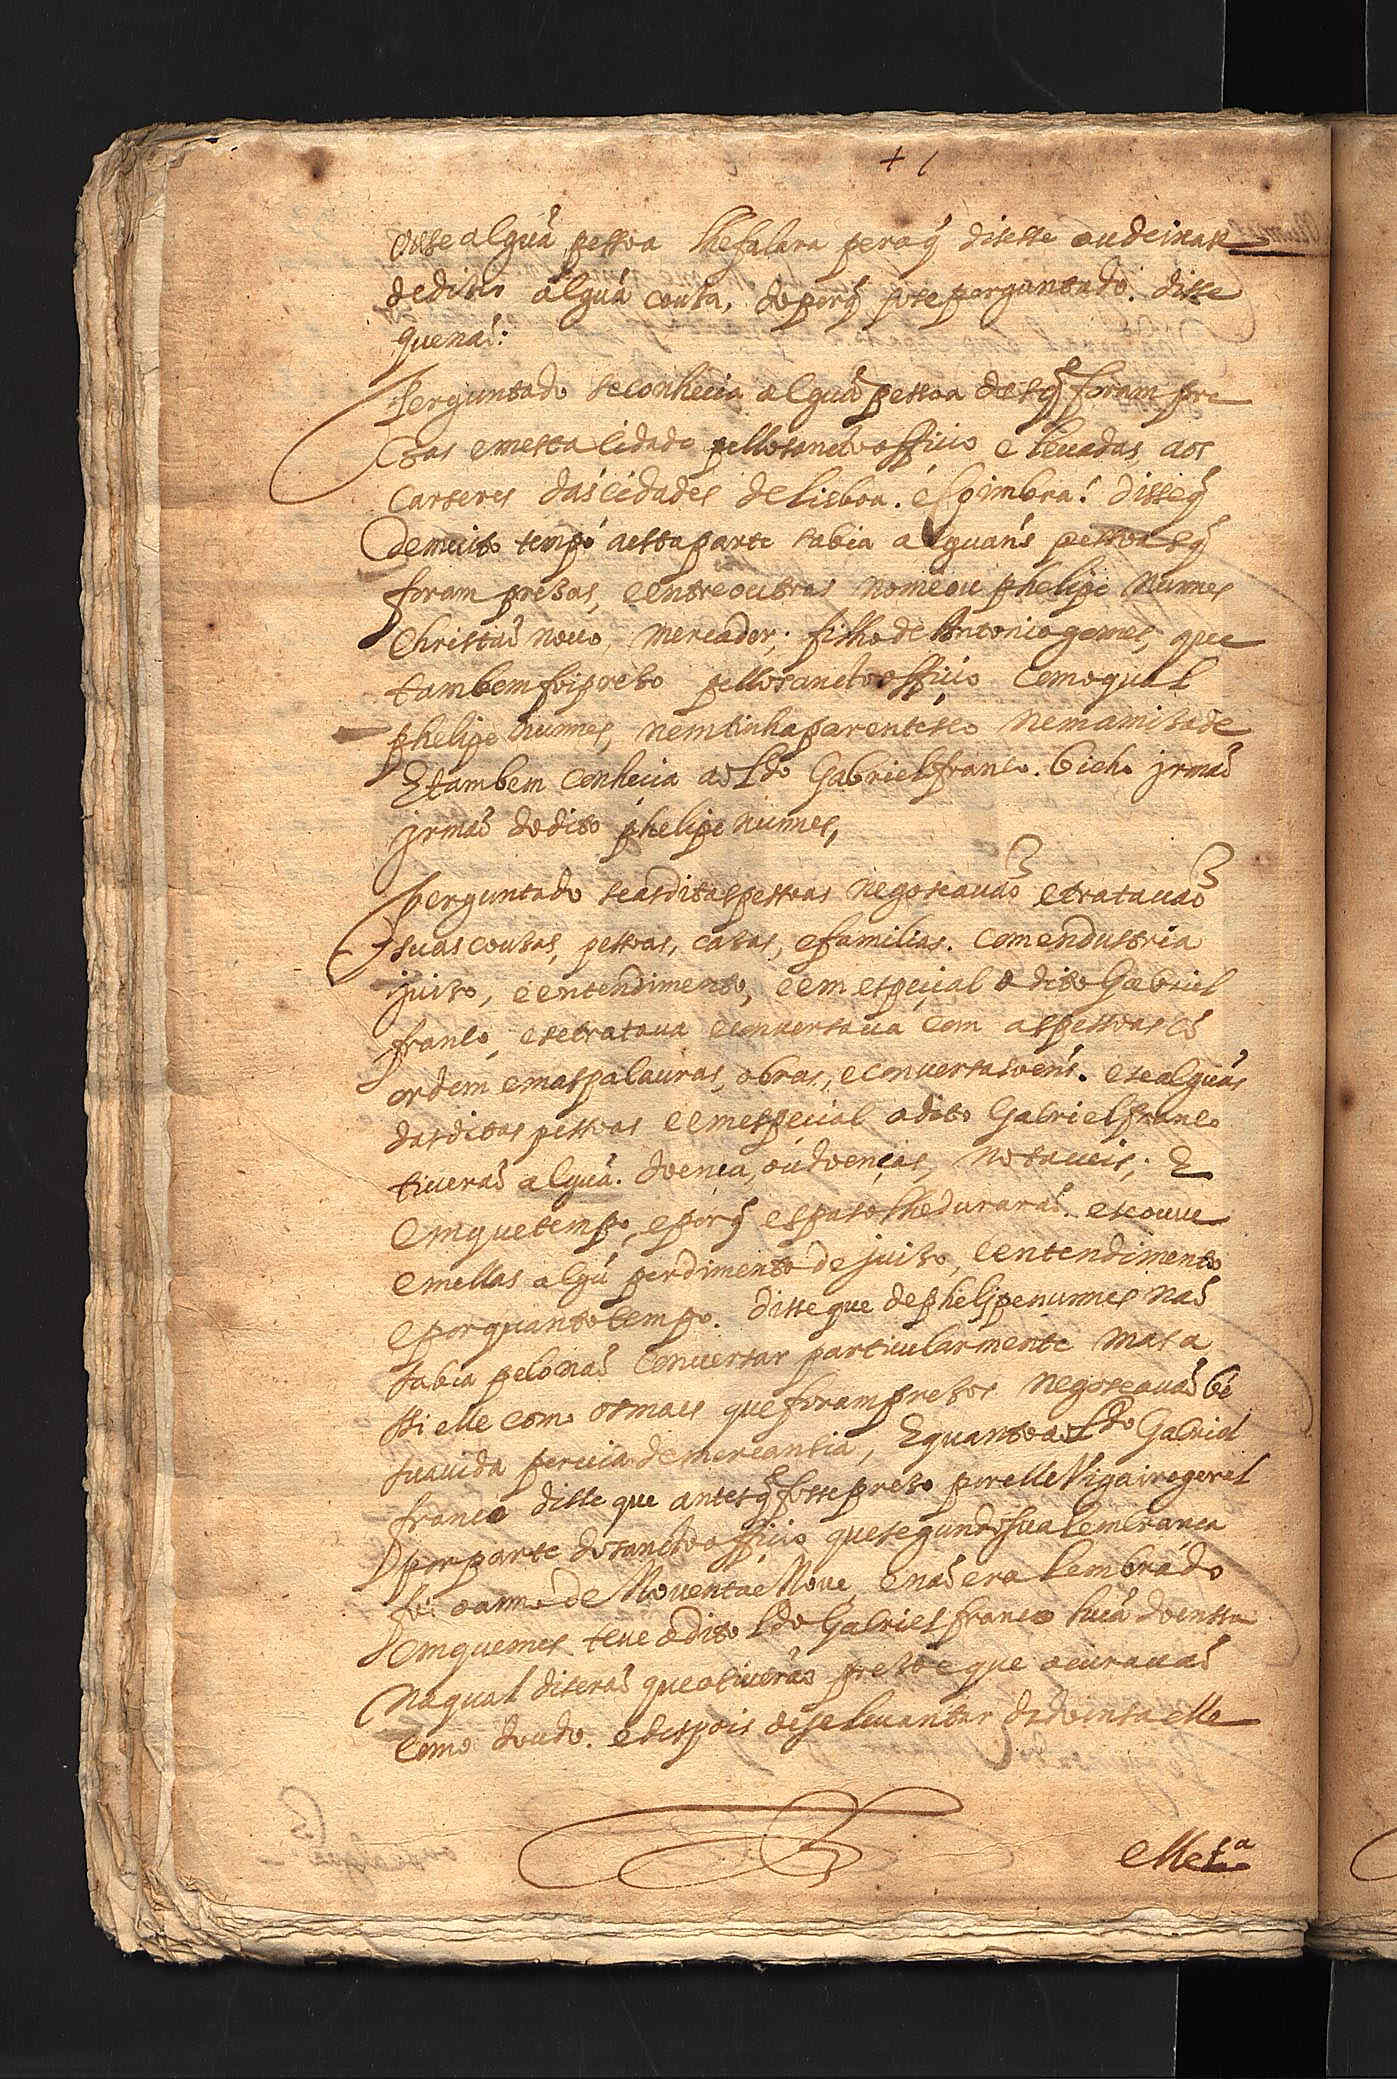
ou se alguā pessoa lhe falara pera q̄ disesse ou deixase
de dizer alguā couza, do por q̄ fose perguntado. disse
que naõ:
Perguntado se conhecia alguā pessoa das q̄ foram pre
zas em esta çidade pello sancto offiçio e leuadas, aos
carseres das çidades de lisboa. e Coimbra? disse q̄
de muito tempo a esta parte sabia a alguans pessoas q̄
foram prezas, e entre outras nomeou phelipe nunnes
Christaõ nouo, mercador; filho de Antonio gomes, que
tambem foi prezo pello sancto offiçio com o qual
phelipe nunnes, nem tinha parentesco nem amizade
E tambem conheçia ao Ldo Gabriel franco. bicho jrmaõ
jrmaõ do dito phelipe nunnes,
Perguntado se as ditas pessoas negoseauaõ e tratauaõ
suas couzas, pessoas, cazas, e familias. com endustria
juizo, e entendimento, e em espeçial o dito Gabriel
franco, e se trataua e conuersaua com as pessoas cō
ordem em as palauras, obras, e conuersasoens̄. e se alguas̄
das ditas pessoas e em espeçial o dito Gabriel franco
tiueraõ alguā. doença, ou doenças, notaueis; E
em que tempo, e por q̄ espaso lhe duraraõ. e se ouue
em ellas algū perdimento de juizo, e entendimento
e por quanto tempo. disse que de phelipe nunnes naõ
sabia pelo naõ conuersar particularmente mas a
ssi elle como os maes que foram prezos negoseauaõ bē
sua uida per uia de mercansia, E quanto ao Ldo Gabriel
franco disse que antes q̄ fosse prezo por elle Vigairo geral
por parte do sancto offiçio que segundo sua lembrança
foi o anno de Nouenta e Noue, e naõ era lembrado
em que mes teue o dito Ldo Gabriel franco huā doenssa
na qual diseraõ que o tiueraõ prezo e que o curauaõ
como doudo. e despois de se leuantar da doensa elle
